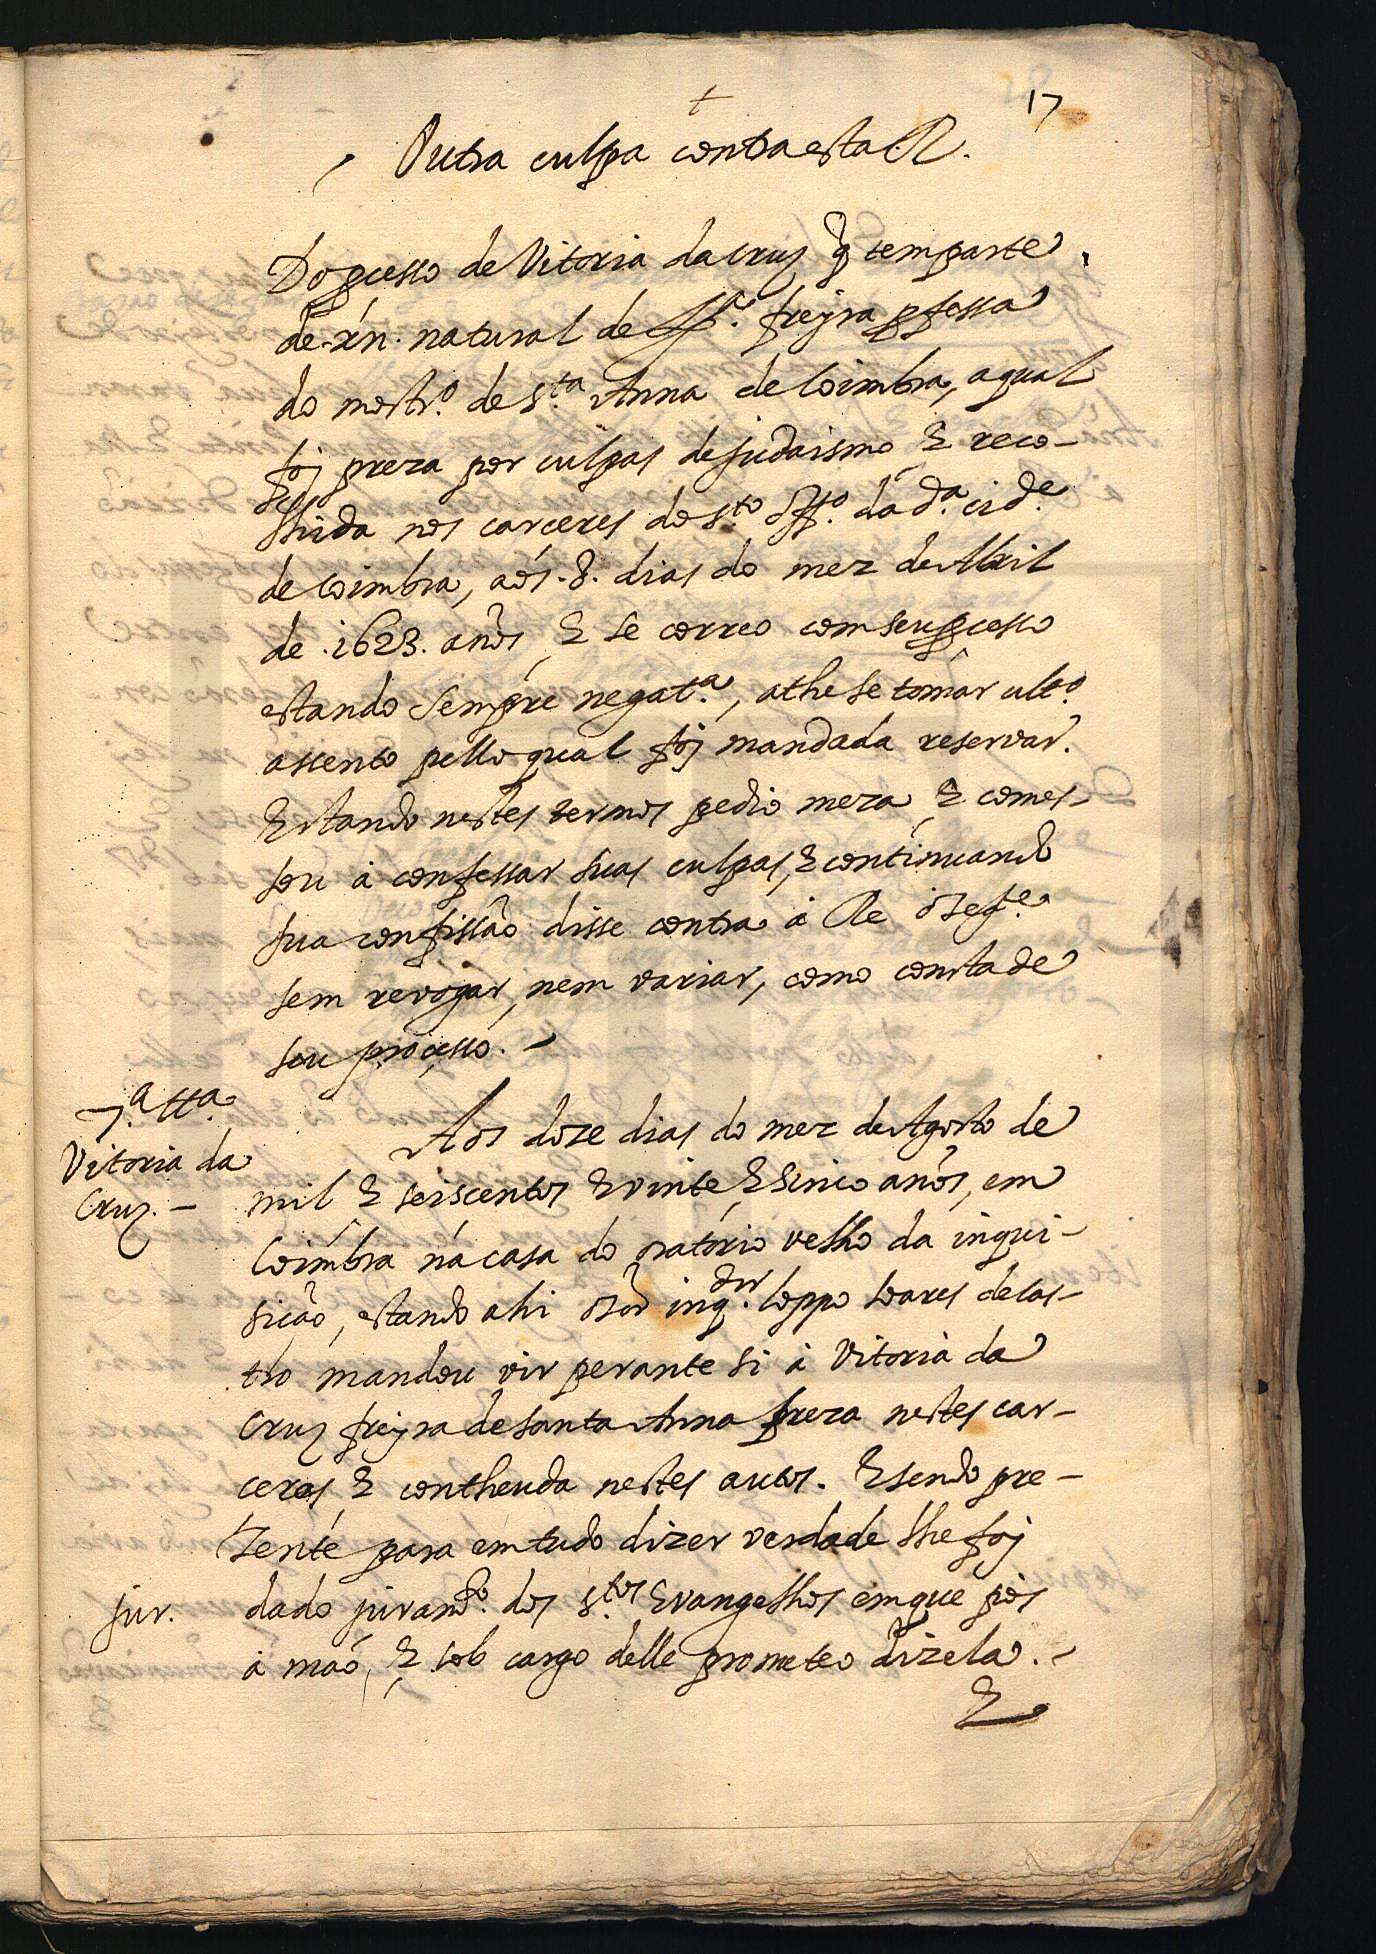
7.a tta
Vitoria da
Cruz.
jur.
17
Outra culpa contra esta .R.
Do ꝓcesso de Vitoria da cruz q̄ tem parte
de xn. natural de Lxa. freyra ꝓfessa
do mostr.o de s.ta Anna de Coimbra, a qual
foj preza por culpas de judaismo E reco
lhida nos carceres do s.to off.o da d.a cid.e
de coimbra, aos .8. dias do mez de Abril
de .i623. an̄os E se correo com seu ꝓcesso
estando sempre negat.a, athe se tomar ult.o
assento pello qual foj mandada reservar.
Estando nestes termos pedio meza, E comes
sou a confessar suas culpas, E continuando
sua confissão disse contra a Re o segt.e
sem revogar, nem variar, como consta de
seu processo. –
Aos doze dias do mez de Agosto de
mil E seiscentos E vinte E sinco anōs, em
Coimbra na casa do oratorio velho da inqui
siçaõ, estando ahi o sor̄ inq.dor loppo soares de cas
tro mandou vir perante si a Vitoria da
cruz freyra de santa Anna preza nestes car
ceres, E contheuda nestes autos. E sendo pre
Zente para em tudo dizer verdade lhe foj
dado juramto. dos s.tos Evangelhos em que pos
a maõ, E sob cargo delle prometeo dizela. –
E
